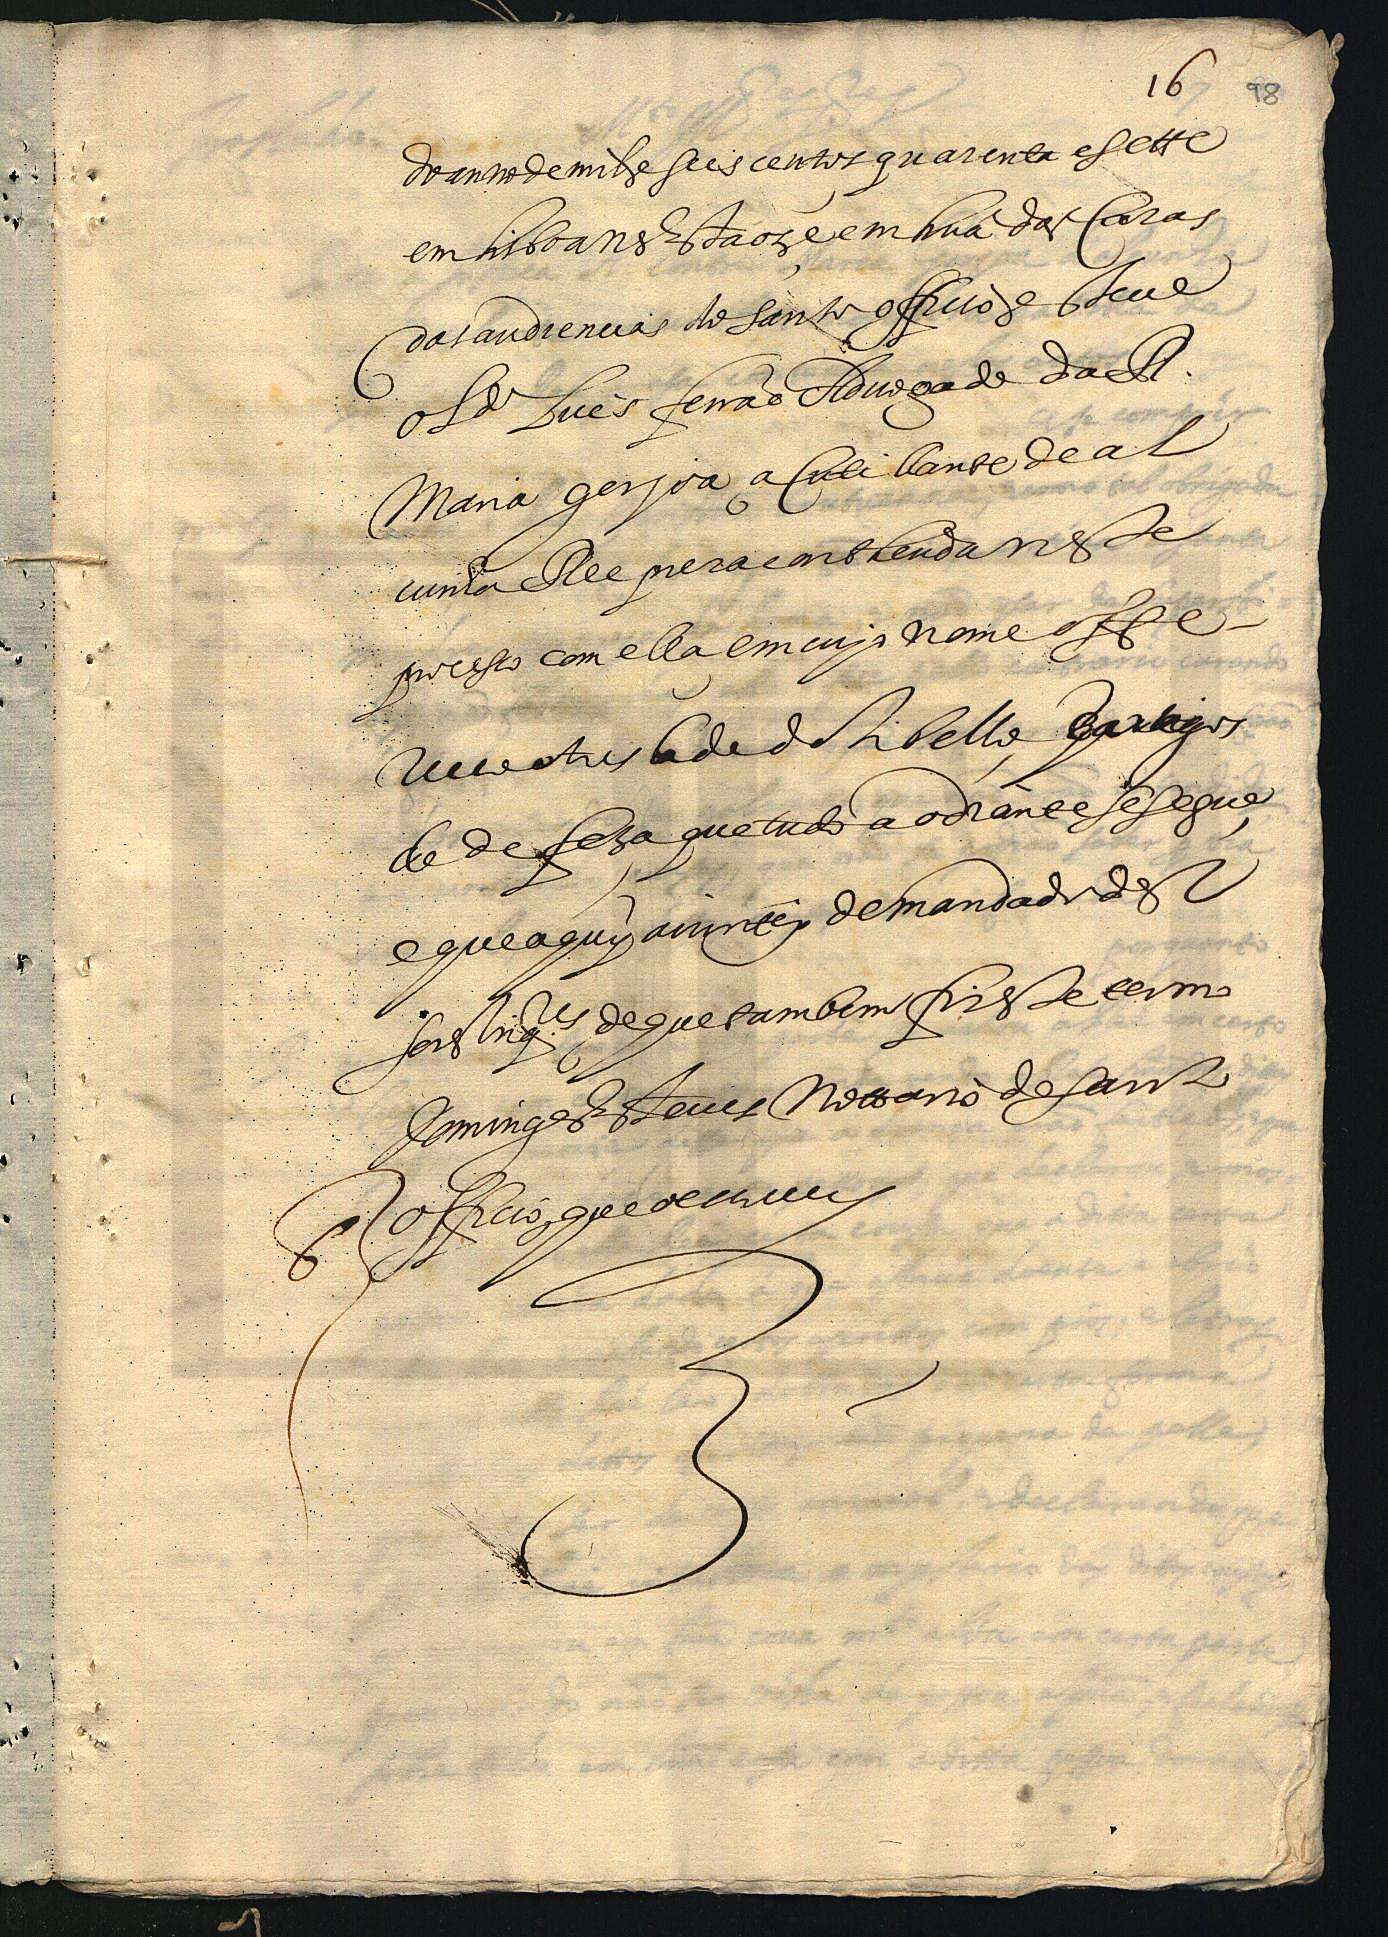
do anno de mil e seiscentos quarenta e sette
em lisboa nos Estaos, e em huā das Cazas
das audiencias do santo officio esteue
o Ldo Luis ferraõ Aduogado da R.
Maria gorjoa, a Cutillante de al
cunha Ree preza contheuda neste
processo com ella, em cujo nome offe
receo o treslado do Libello, e artigos
de defesa, que tudo ao diante se segue,
e que aquy aiuntey de mandado ds
sors Inqres, de que tambem fis este termo
Domingos Esteues Nottario de santo
officio que o escreuy
